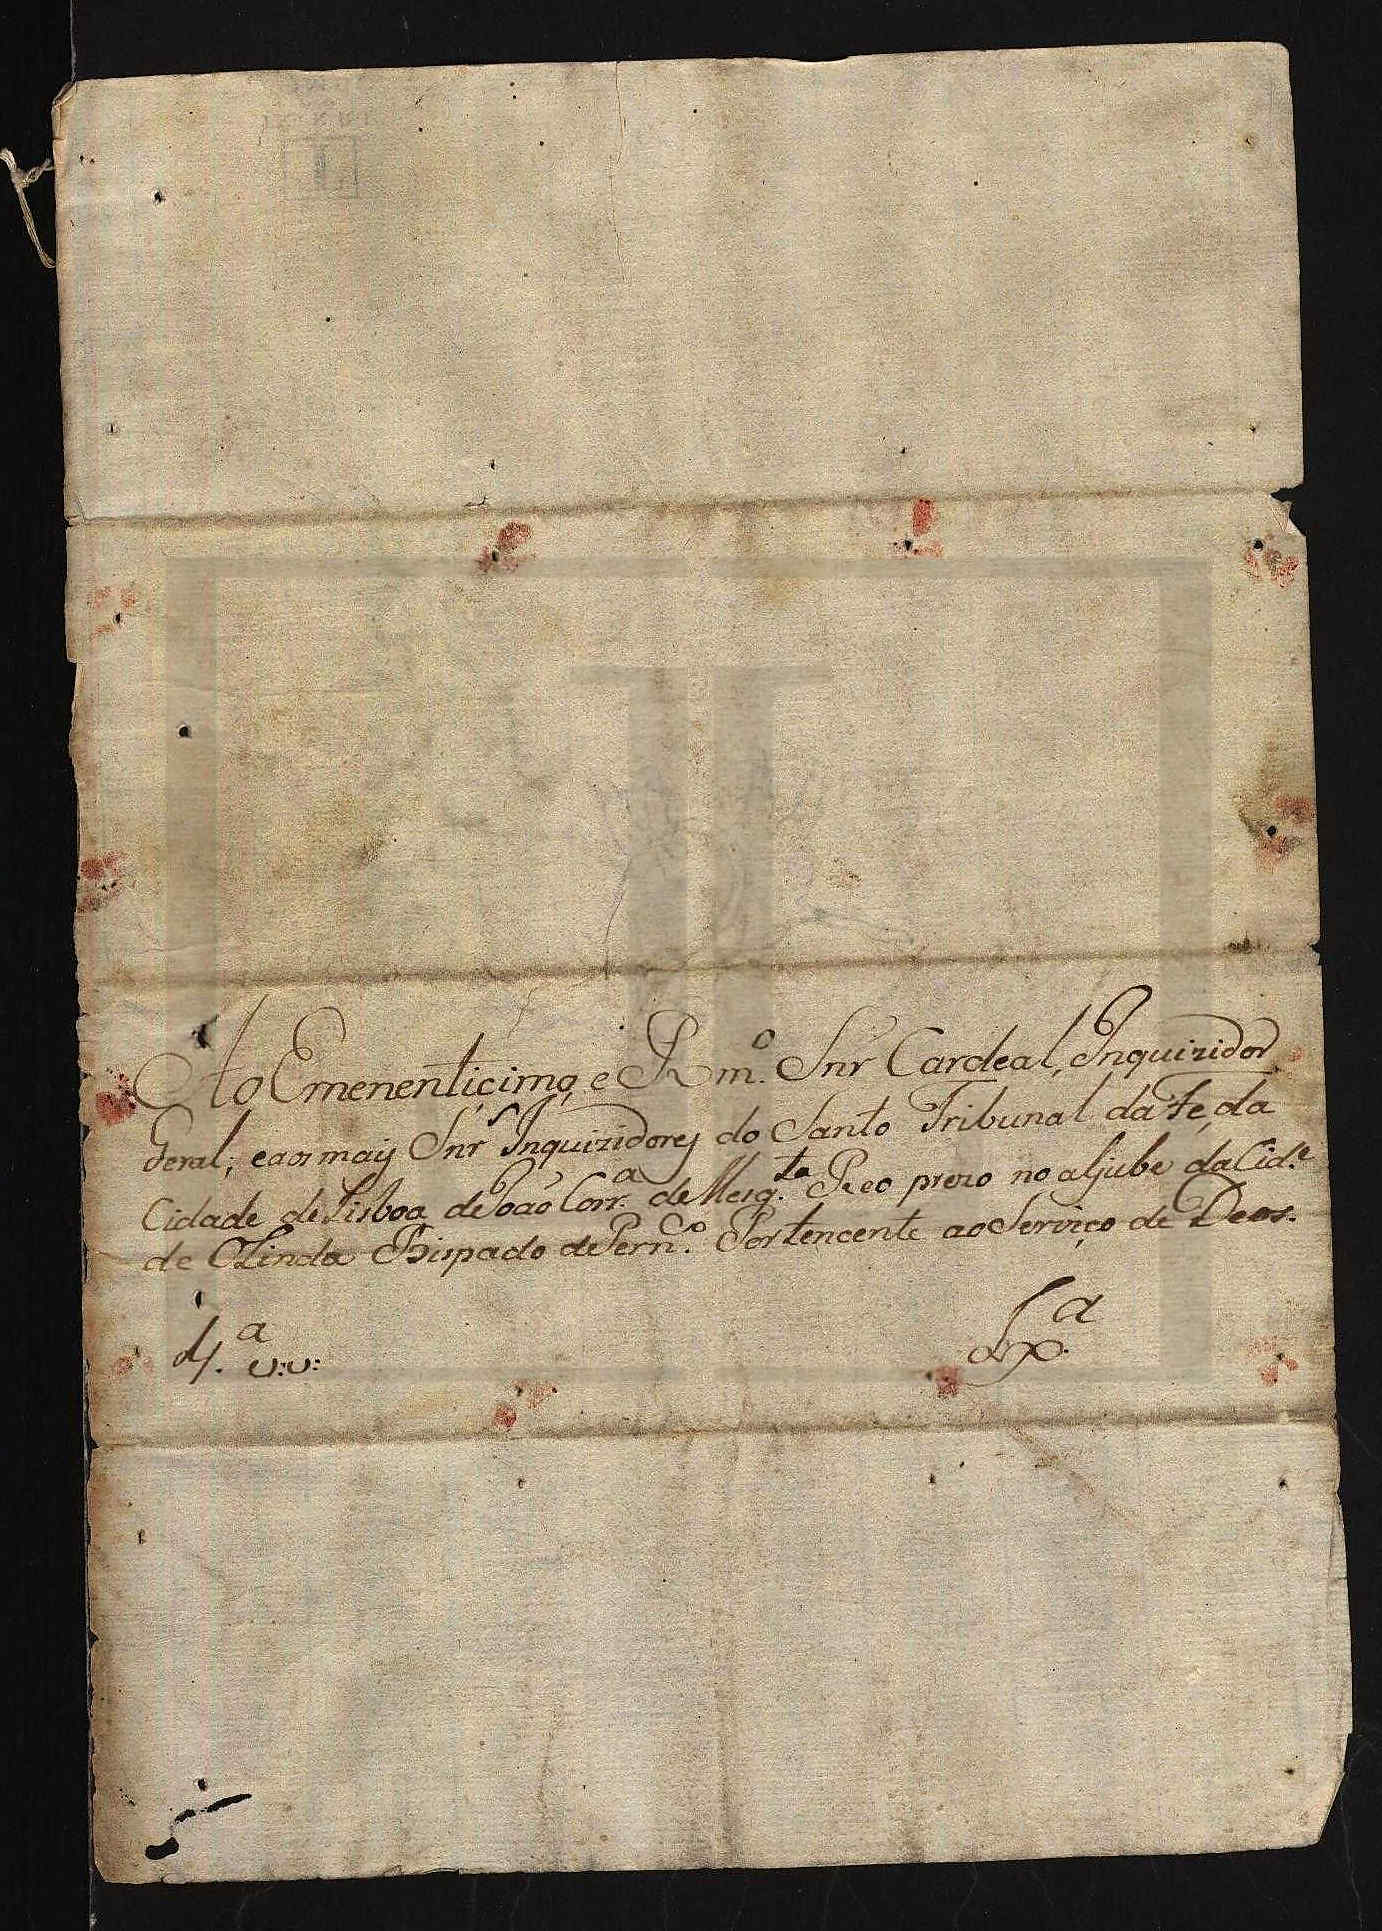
Ao Emenenticimo, e R m.o Snr̄ Cardeal, Inquizidor
Geral, e aos mais Snr̄s Inquizidores do Santo Tribunal da Fe, da
Cidade de Lisboa de Ioaõ Corr.a de Mesq.ta Reo prezo no aljube da Cid.e
de OLinda Bispado de Pern.co Portencente ao Serviço de Deos.
Lx.a
4.a
